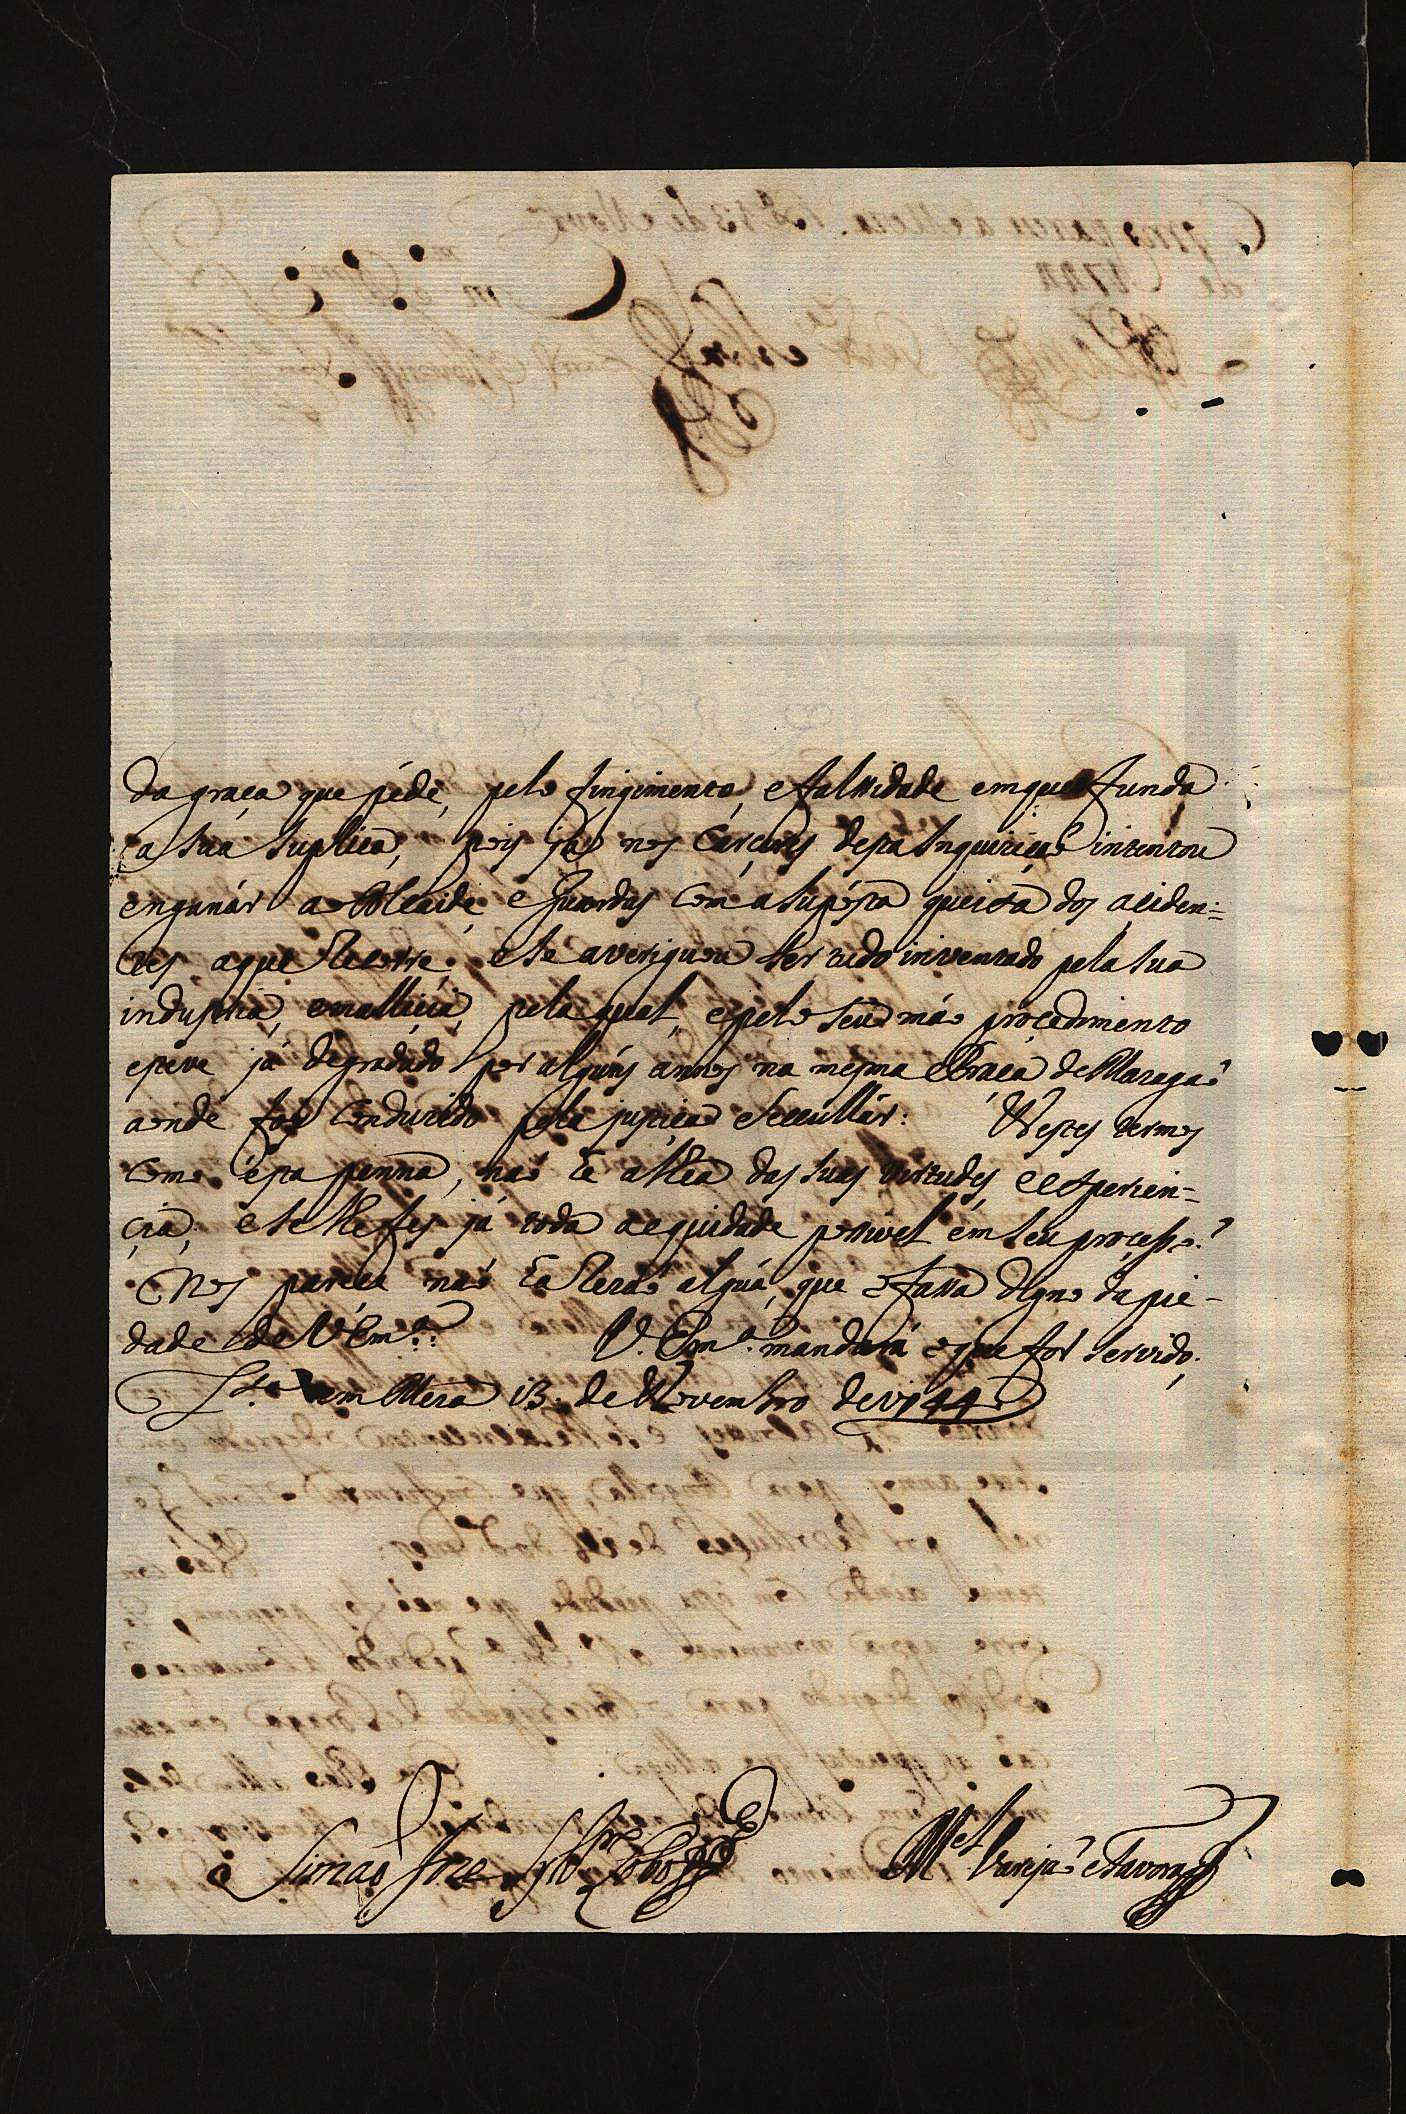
da graça que pede, pelo fingimento, e falssidade em que funda
a sua suplica, pois ja nos carceres desta Inquiziçaõ intentou
enganár ao Alcaide, e Guardas com a Suposta queixa dos aciden
tes a que Recorre, e se averiguou ter tudo inventado pela sua
industria, e mallicia, pela qual, e pelo seu máo procedimento
esteve já degradado por algun̄s annos na mesma Praça de Mazagaõ
aonde foy Conduzido pela justiça Seccullar. Nestes termos
como esta penna, naõ he alhea das suas virtudes, e experien
cia; e se lhe fes já toda a equidade possivel em seu processo?
nos parece naõ ha Rezaõ alguā, que o fassa digno da pie
dade de V Em.a.
V. Em.a mandará o que for servido;
L.xa em Meza 13. de Novembro de 1744
Simaõ Joze Sylv.ro Lobo
M.el Varejaõ e Tavora
